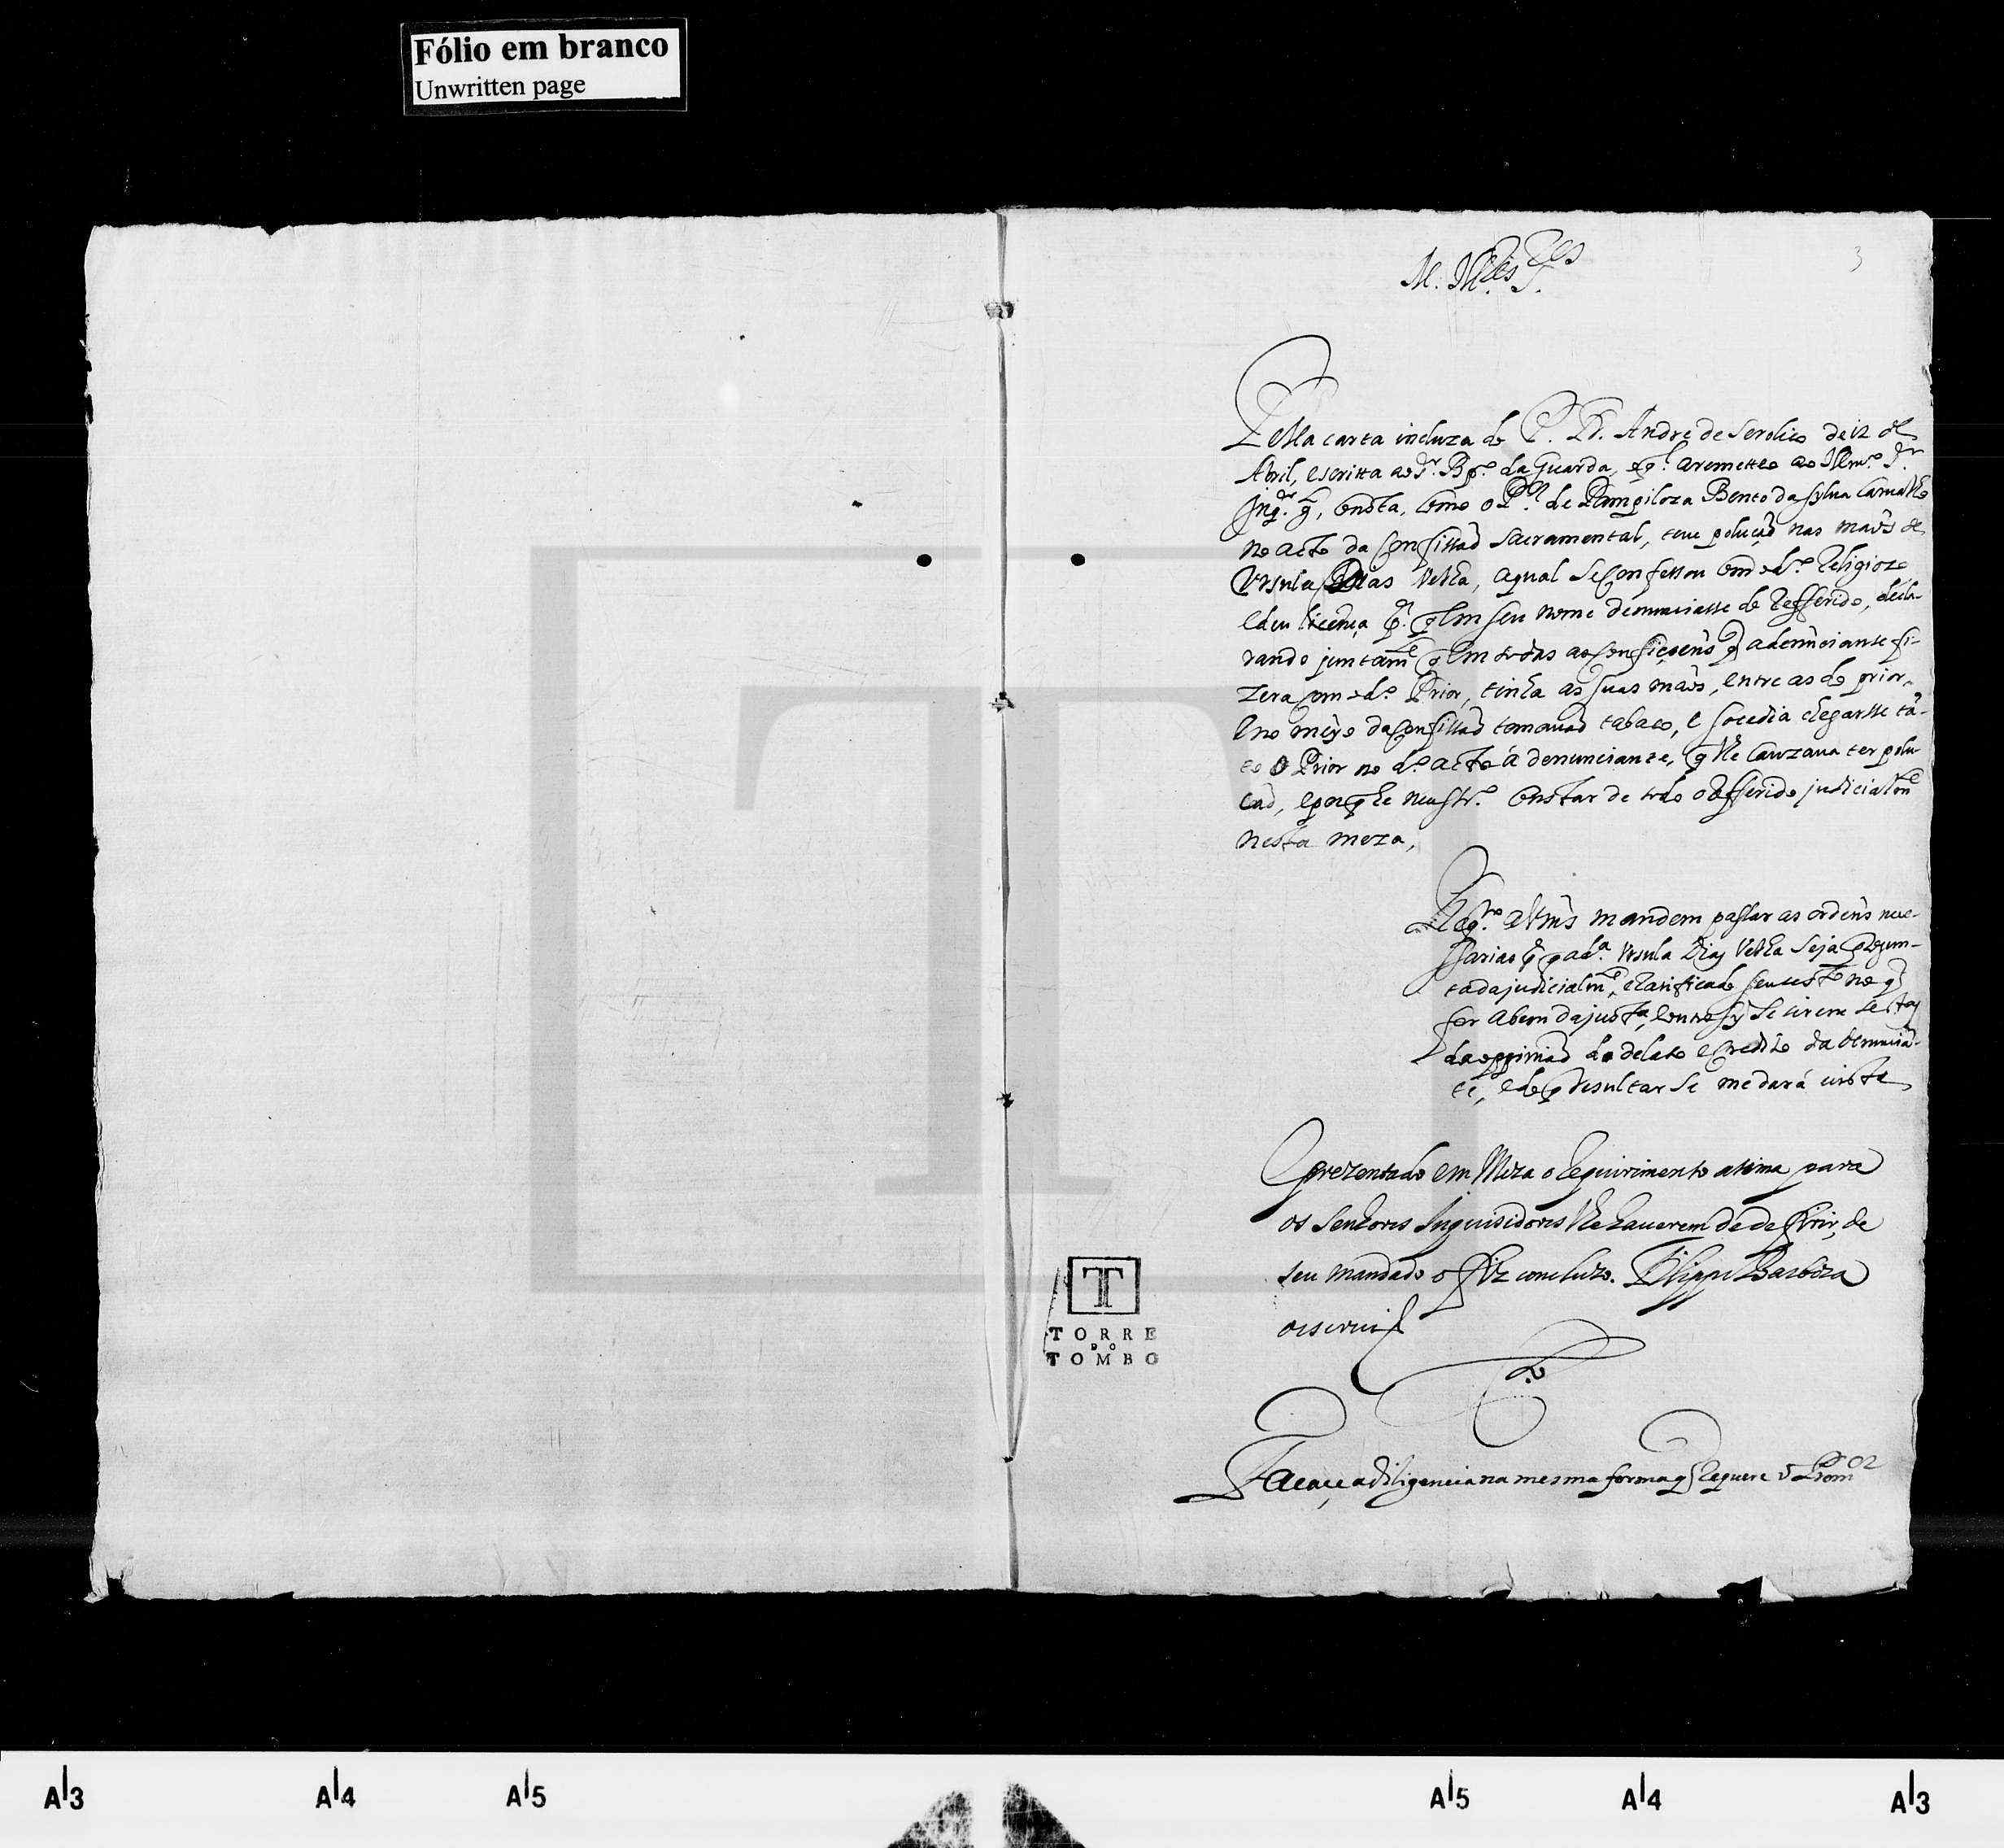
M. Ill.res S.res
Pella carta incluza do P. Fr. Andre de Serolico de i2 de
Abril, escritta ao sor. Bp.o da Guarda, o q.l a remetteo ao Illm.o Sor.
Jnq.or gl, consta, como o P.or de Pampiloza Bento da sylua Carualho
no acto da Confissaõ Sacramental, teue poluçaõ nas maõs de
Vrsula Dias Velha, a qual Se Confessou com o d.o Religiozo
e deu licença p.a q̄ em seu nome denunciasse do Refferido, decla
rando juntamte q̄ em todas as Confiçoen̄s q̄ a denūciante fi
Zera com o d.o Prior, tinha as suas mãos, entre as do prior,
E no meyo da Confissaõ tomauão tabaco, e socedia chegarsse tā
to o Prior no d.o acto á denunciante, q̄ lhe cauzaua ter polu
çaõ, e porq̄ he necessr.o constar de todo o Refferido judicialmte
nesta meza,
Req.ro a V ms̄ mandem passar as ordens nece
ssarias pa q̄ a d.a Vrsula Dias Velha seja progun
tada judicialmte, e Ratificado seu testo no q̄
for a bem da justa, e outrosy se tirem tes.tas
da oppiniaõ do delato e Credito da denuciā
te, e do q̄ resultar se me dará uista
E prezentado em Meza o Requirimento asima para
os Senhores Inquisidores lhe hauerem de defirir, de
seu mandado o fiz concluzo. Filippe Barboza
o escreuj
Cl.o
Facaçe a diligencia na mesma forma q̄ Requere o Prom.or
